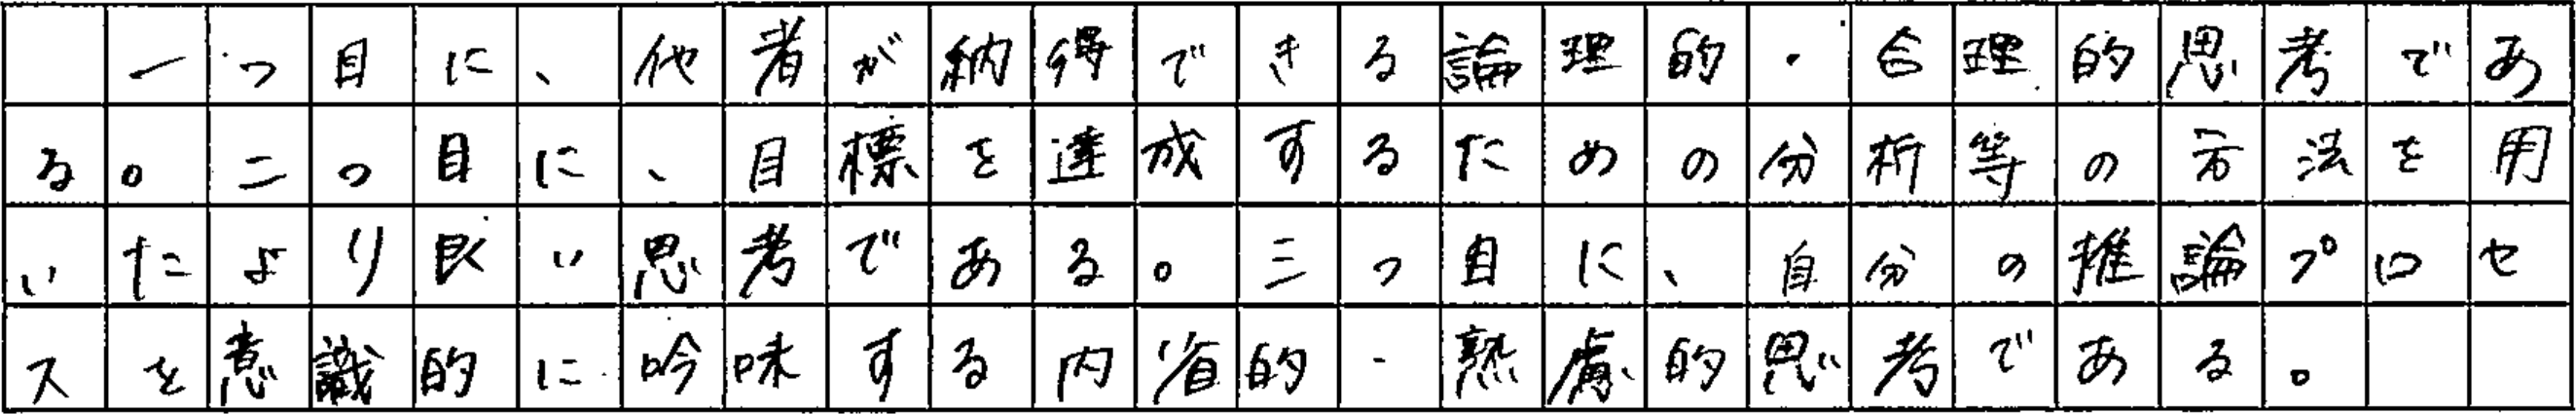　一つ目に、他者が納得できる論理的・合理的思考である。二つ目に、目標を達成するための分析等の方法を用いたより良い思考である。三つ目に、自分の推論プロセスを意識的に吟味する内省的・熟慮的思考である。
